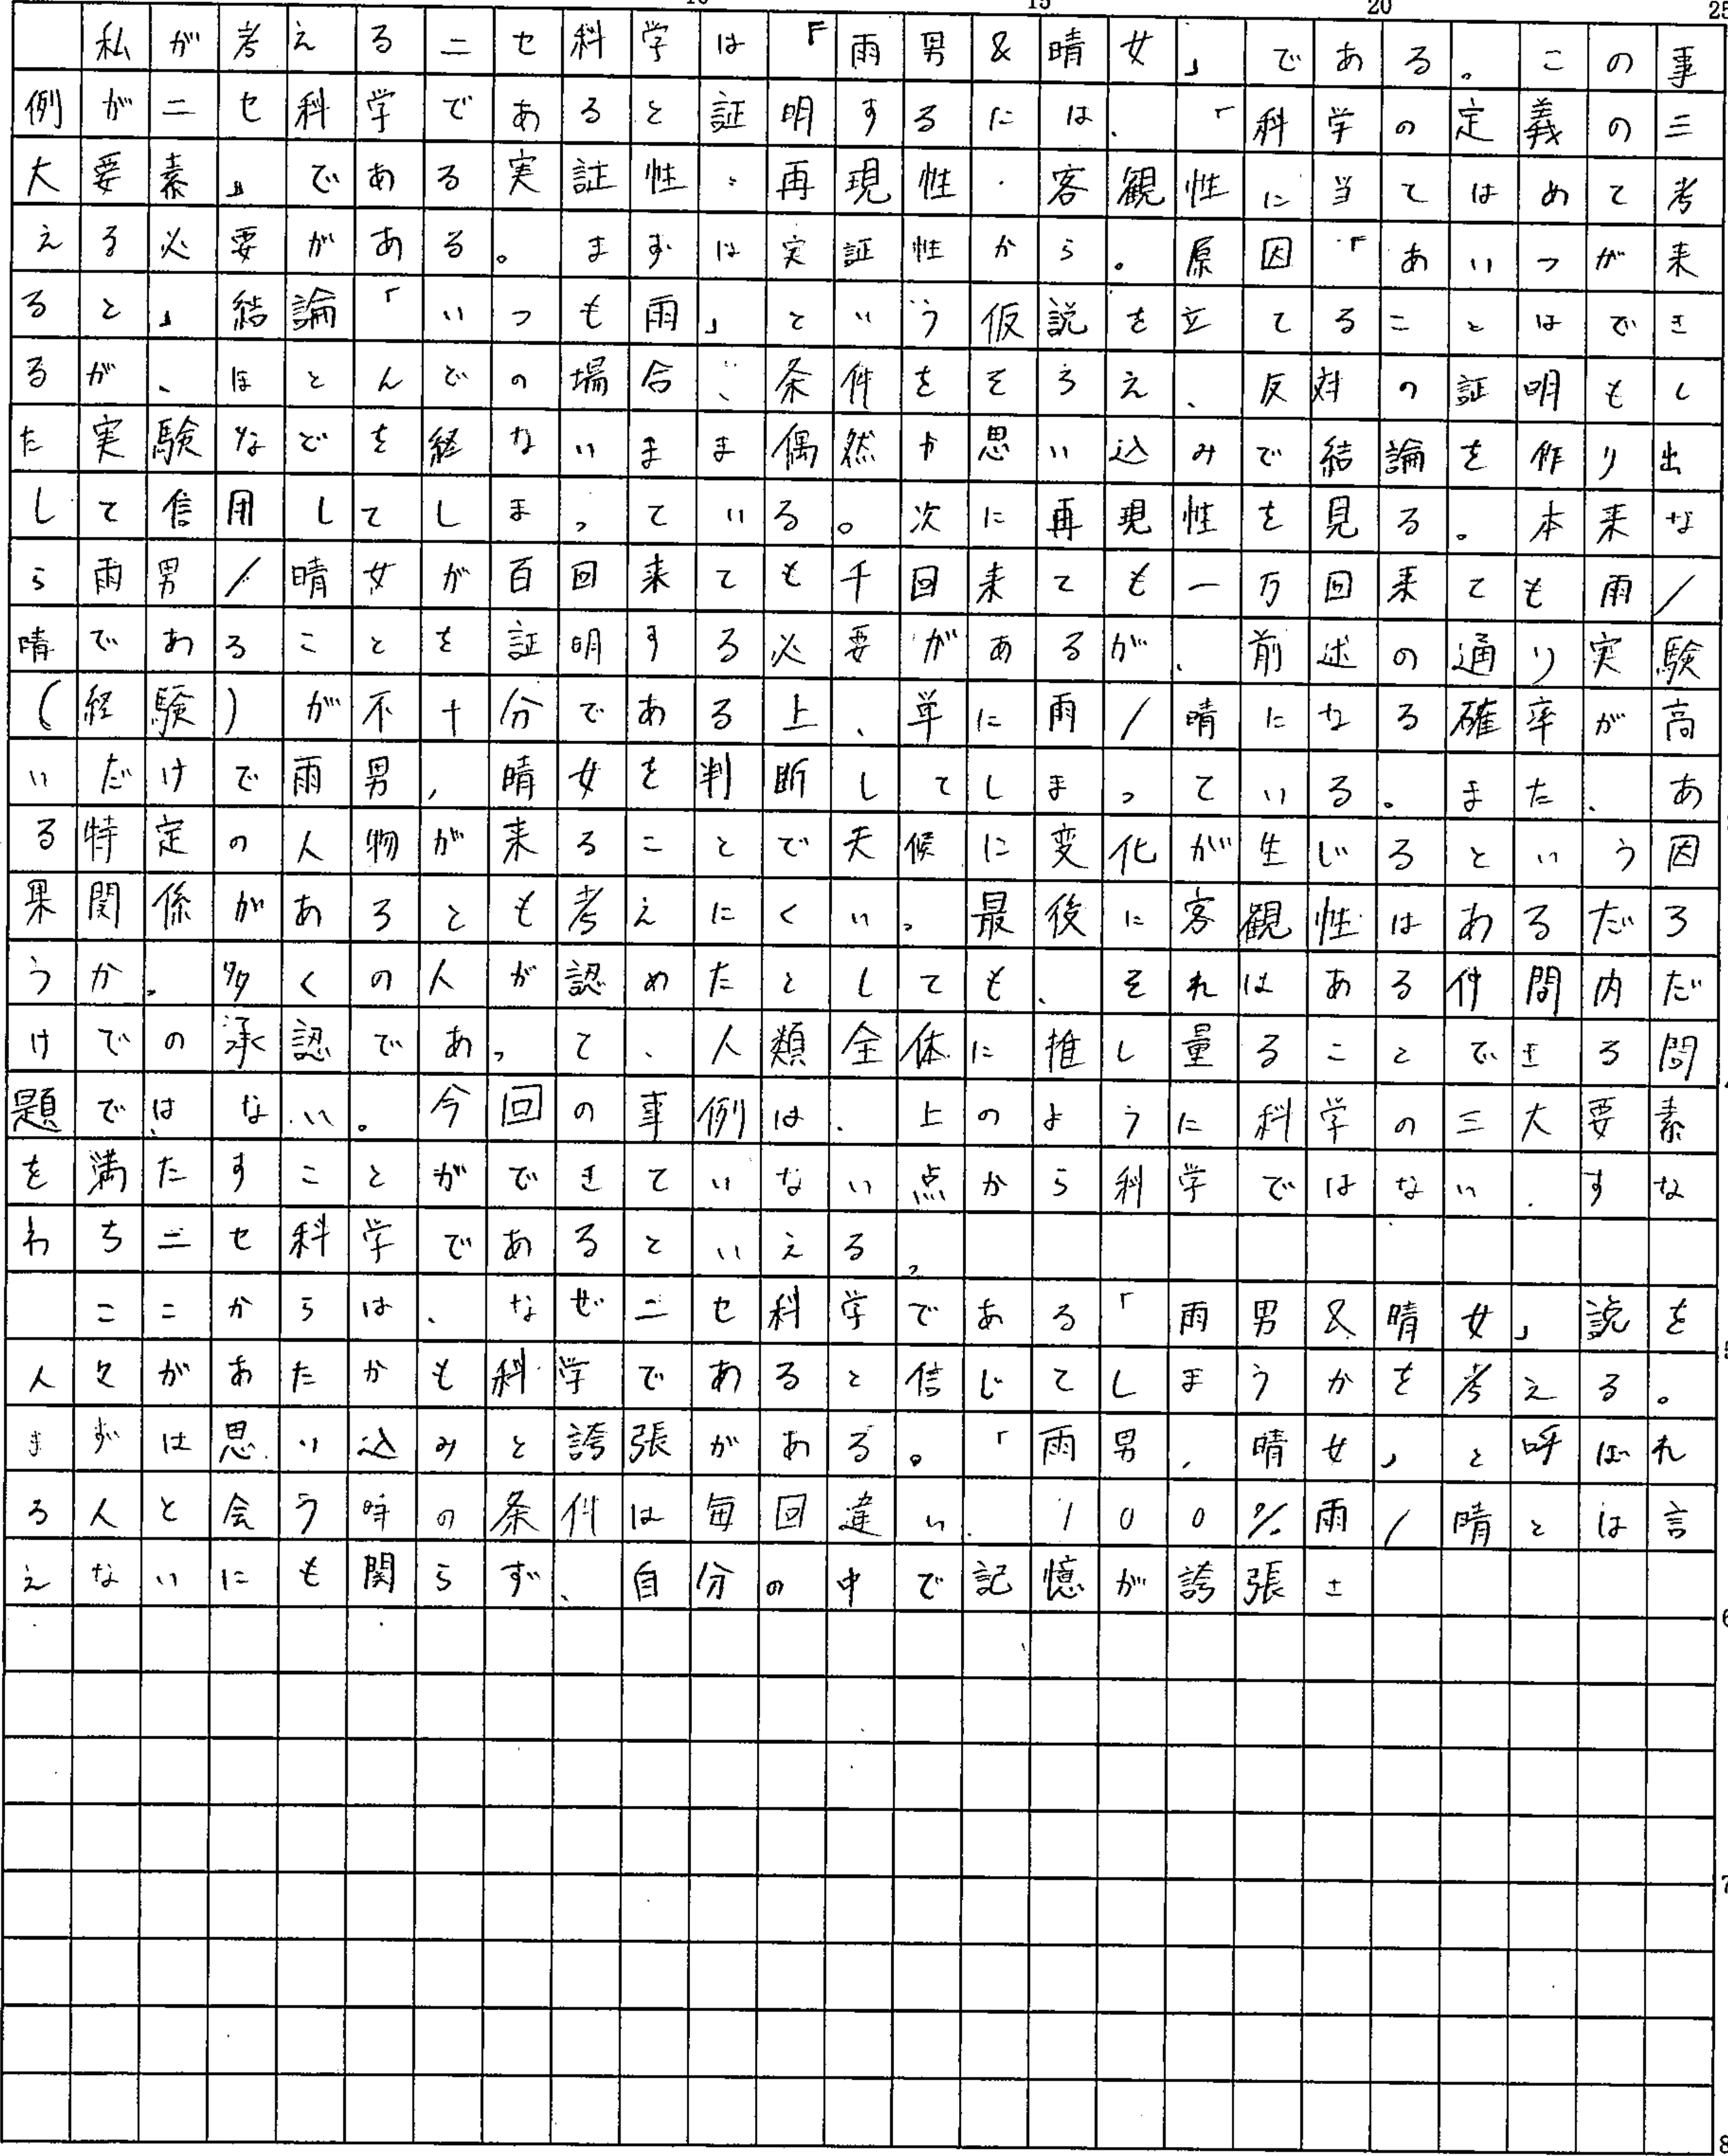　私が考えるニセ科学は「雨男＆晴女」である。この事例がニセ科学であると証明するには、「科学の定義の三大要素」である実証性・再現性・客観性に当てはめて考える必要がある。まずは実証性から。原因「あいつが来ると」結論「いつも雨」という仮説を立てることはできるが、ほとんどの場合、条件をそろえ、反対の証明もした実験などを経ないまま偶然や思い込みで結論を作り出して信用してしまっている。次に再現性を見る。本来なら雨男／晴女が百回来ても千回来ても一万回来ても雨／晴であることを証明する必要があるが、前述の通り実験（経験）が不十分である上、単に雨／晴になる確率が高いだけで雨男、晴女を判断してしまっている。また、ある特定の人物が来ることで天候に変化が生じるという因果関係があるとも考えにくい。最後に客観性はあるだろうか。多くの人が認めたとしても、それはある仲間内だけでの承認であって、人類全体に推し量ることできる問題ではない。今回の事例は、上のように科学の三大要素を満たすことができていない点から科学ではない、すなわちニセ科学であるといえる。
　ここからは、なぜニセ科学である「雨男＆晴女」説を人々があたかも科学であると信じてしまうかを考える。まずは思い込みと誇張がある。「雨男、晴女」と呼ばれる人と会う時の条件は毎回違い、１００％雨／晴とは言えないにも関らず、自分の中で記憶が誇張さ
